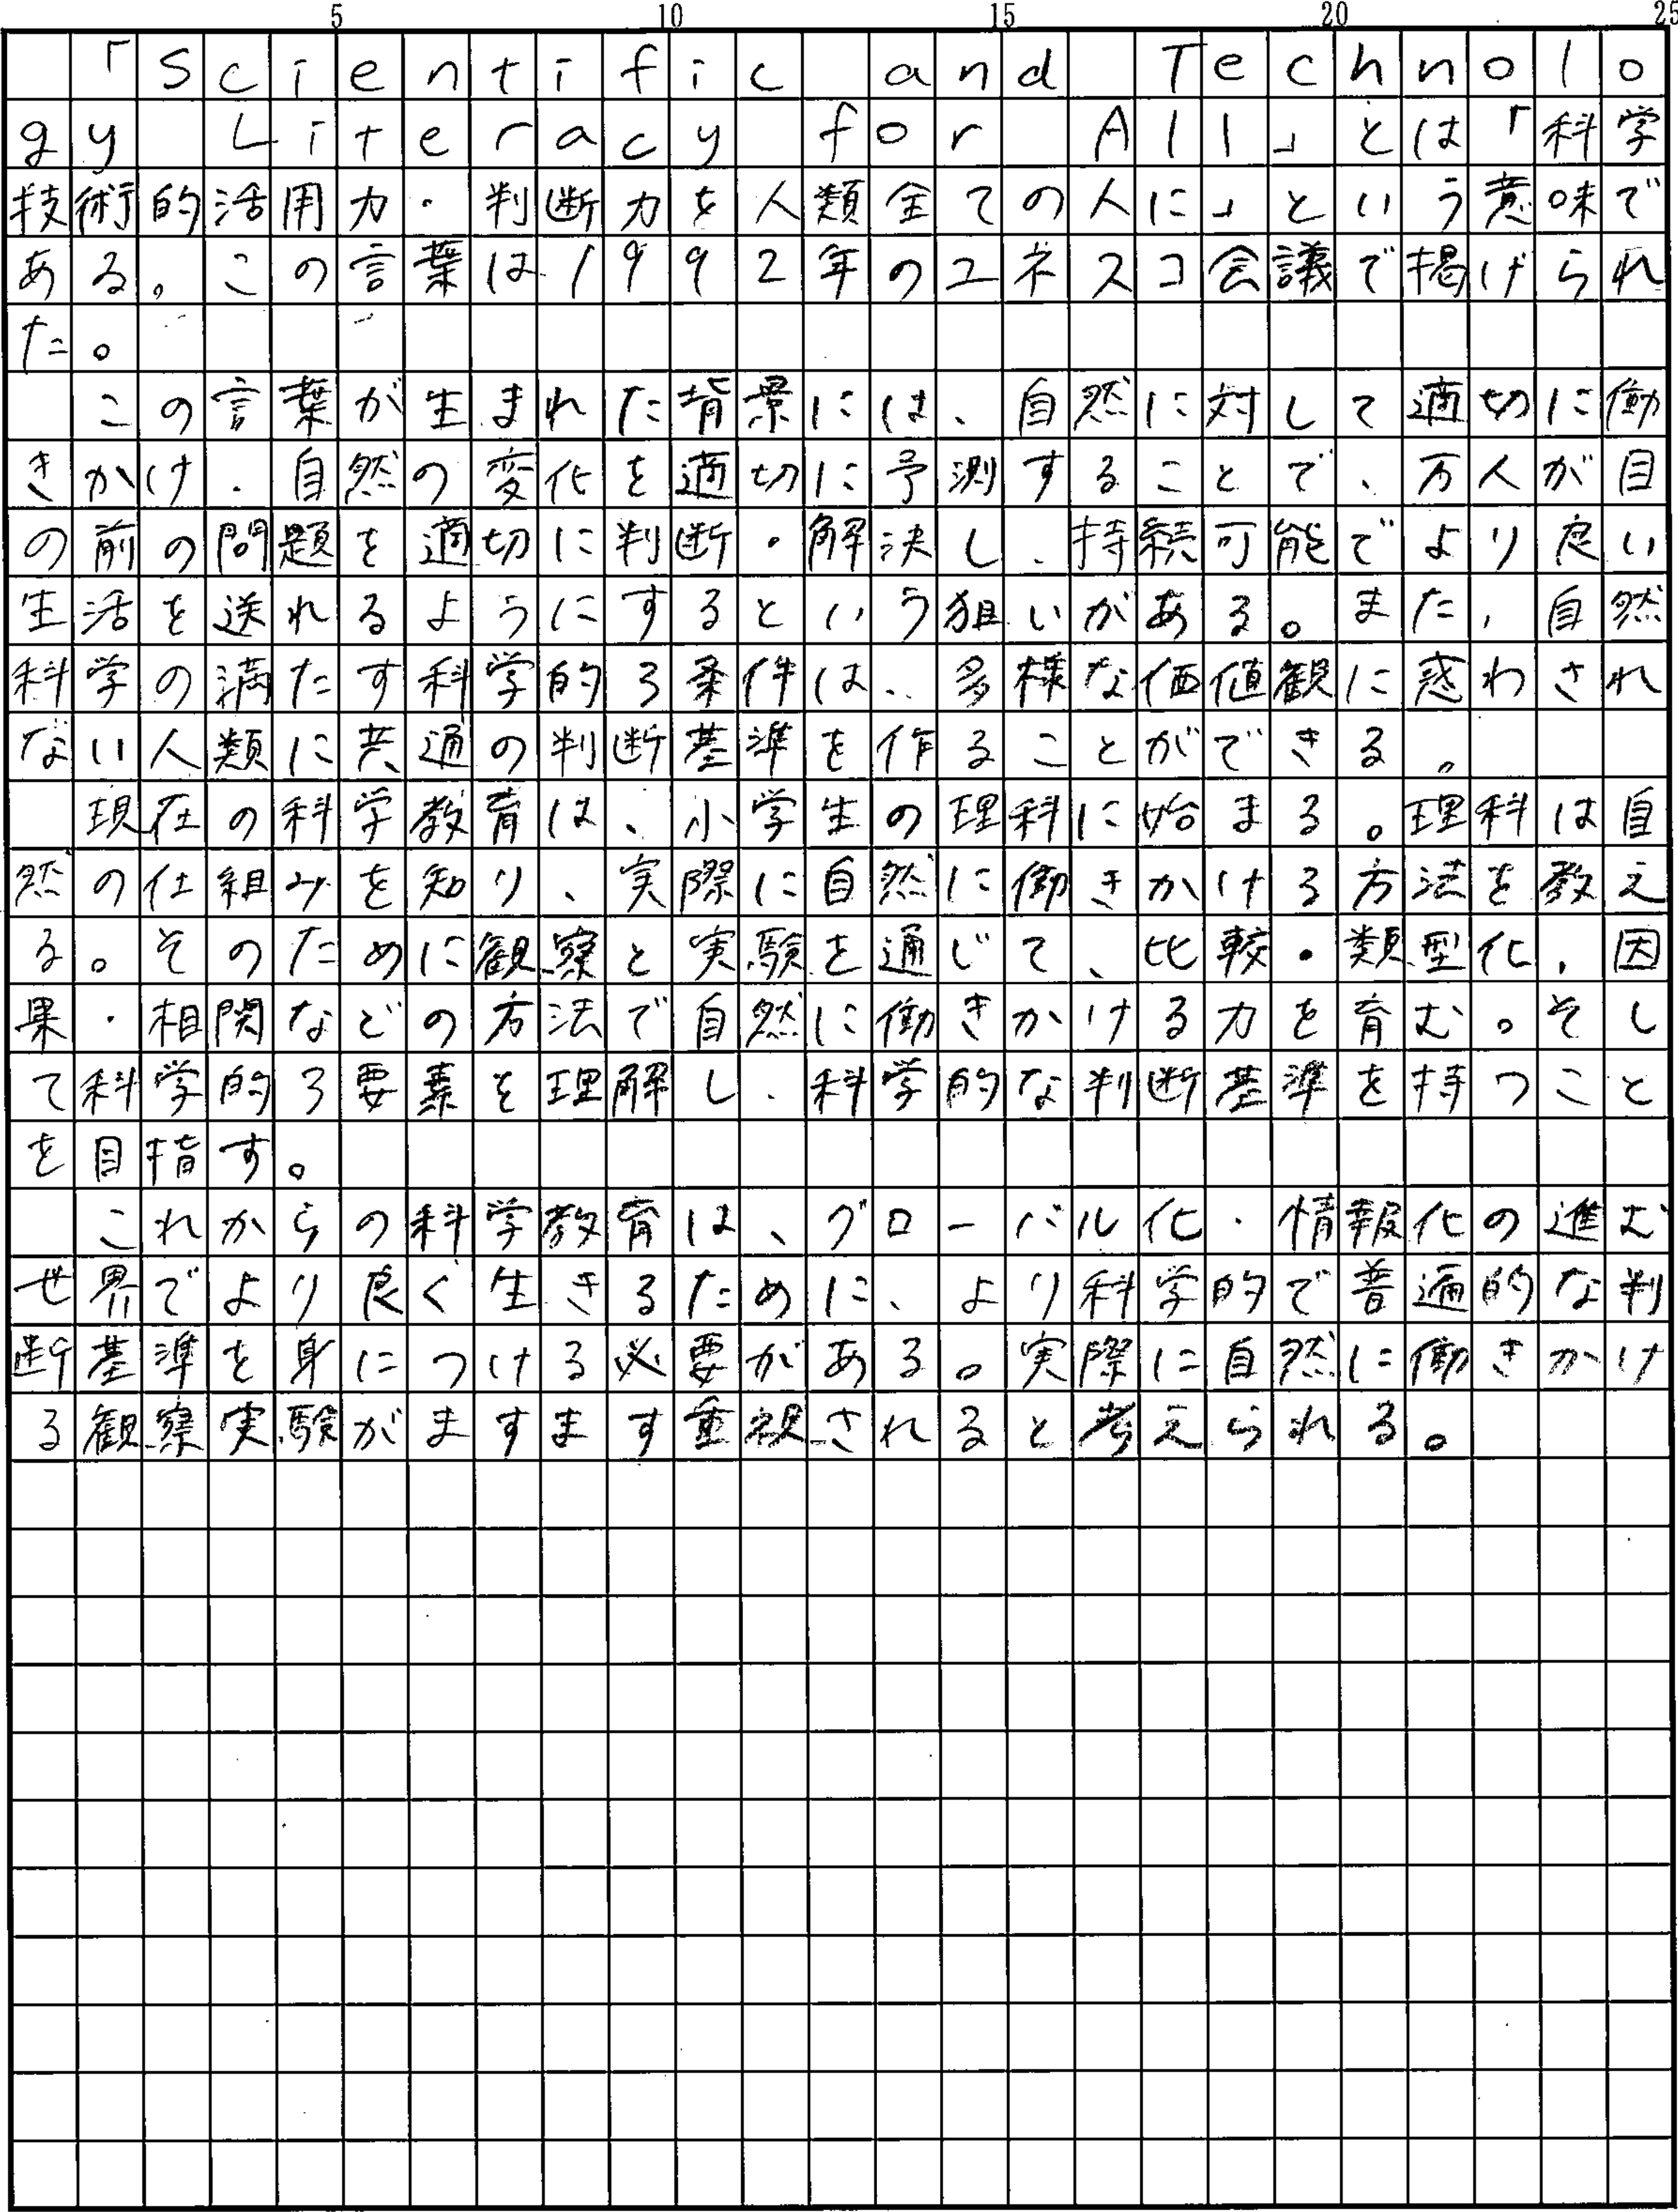　「Ｓｃｉｅｎｔｉｆｉｃ　ａｎｄ　Ｔｅｃｈｎｏｌｏｇｙ　Ｌｉｔｅｒａｃｙ　ｆｏｒ　Ａｌｌ」とは「科学技術的活用力・判断力を人類全ての人に」という意味である。この言葉は１９９２年のユネスコ会議で掲げられた。
　この言葉が生まれた背景には、自然に対して適切に働きかけ、自然の変化を適切に予測することで、万人が目の前の問題を適切に判断・解決し、持続可能でより良い生活を送れるようにするという狙いがある。また、自然科学の満たす科学的３条件は、多様な価値観に惑わされない人類に共通の判断基準を作ることができる。
　現在の科学教育は、小学生の理科に始まる。理科は自然の仕組みを知り、実際に働きかける方法を教える。そのために観察と実験を通じて、比較・類型化、因果・相関などの方法で自然に働きかける力を育む。そして科学的３要素を理解し、科学的な判断基準を持つことを目指す。
　これからの科学教育は、グローバル化・情報化の進む世界でより良く生きるために、より科学的で普遍的な判断基準を身につける必要がある。実際に自然に働きかける観察実験がますます重視されると考えられる。
